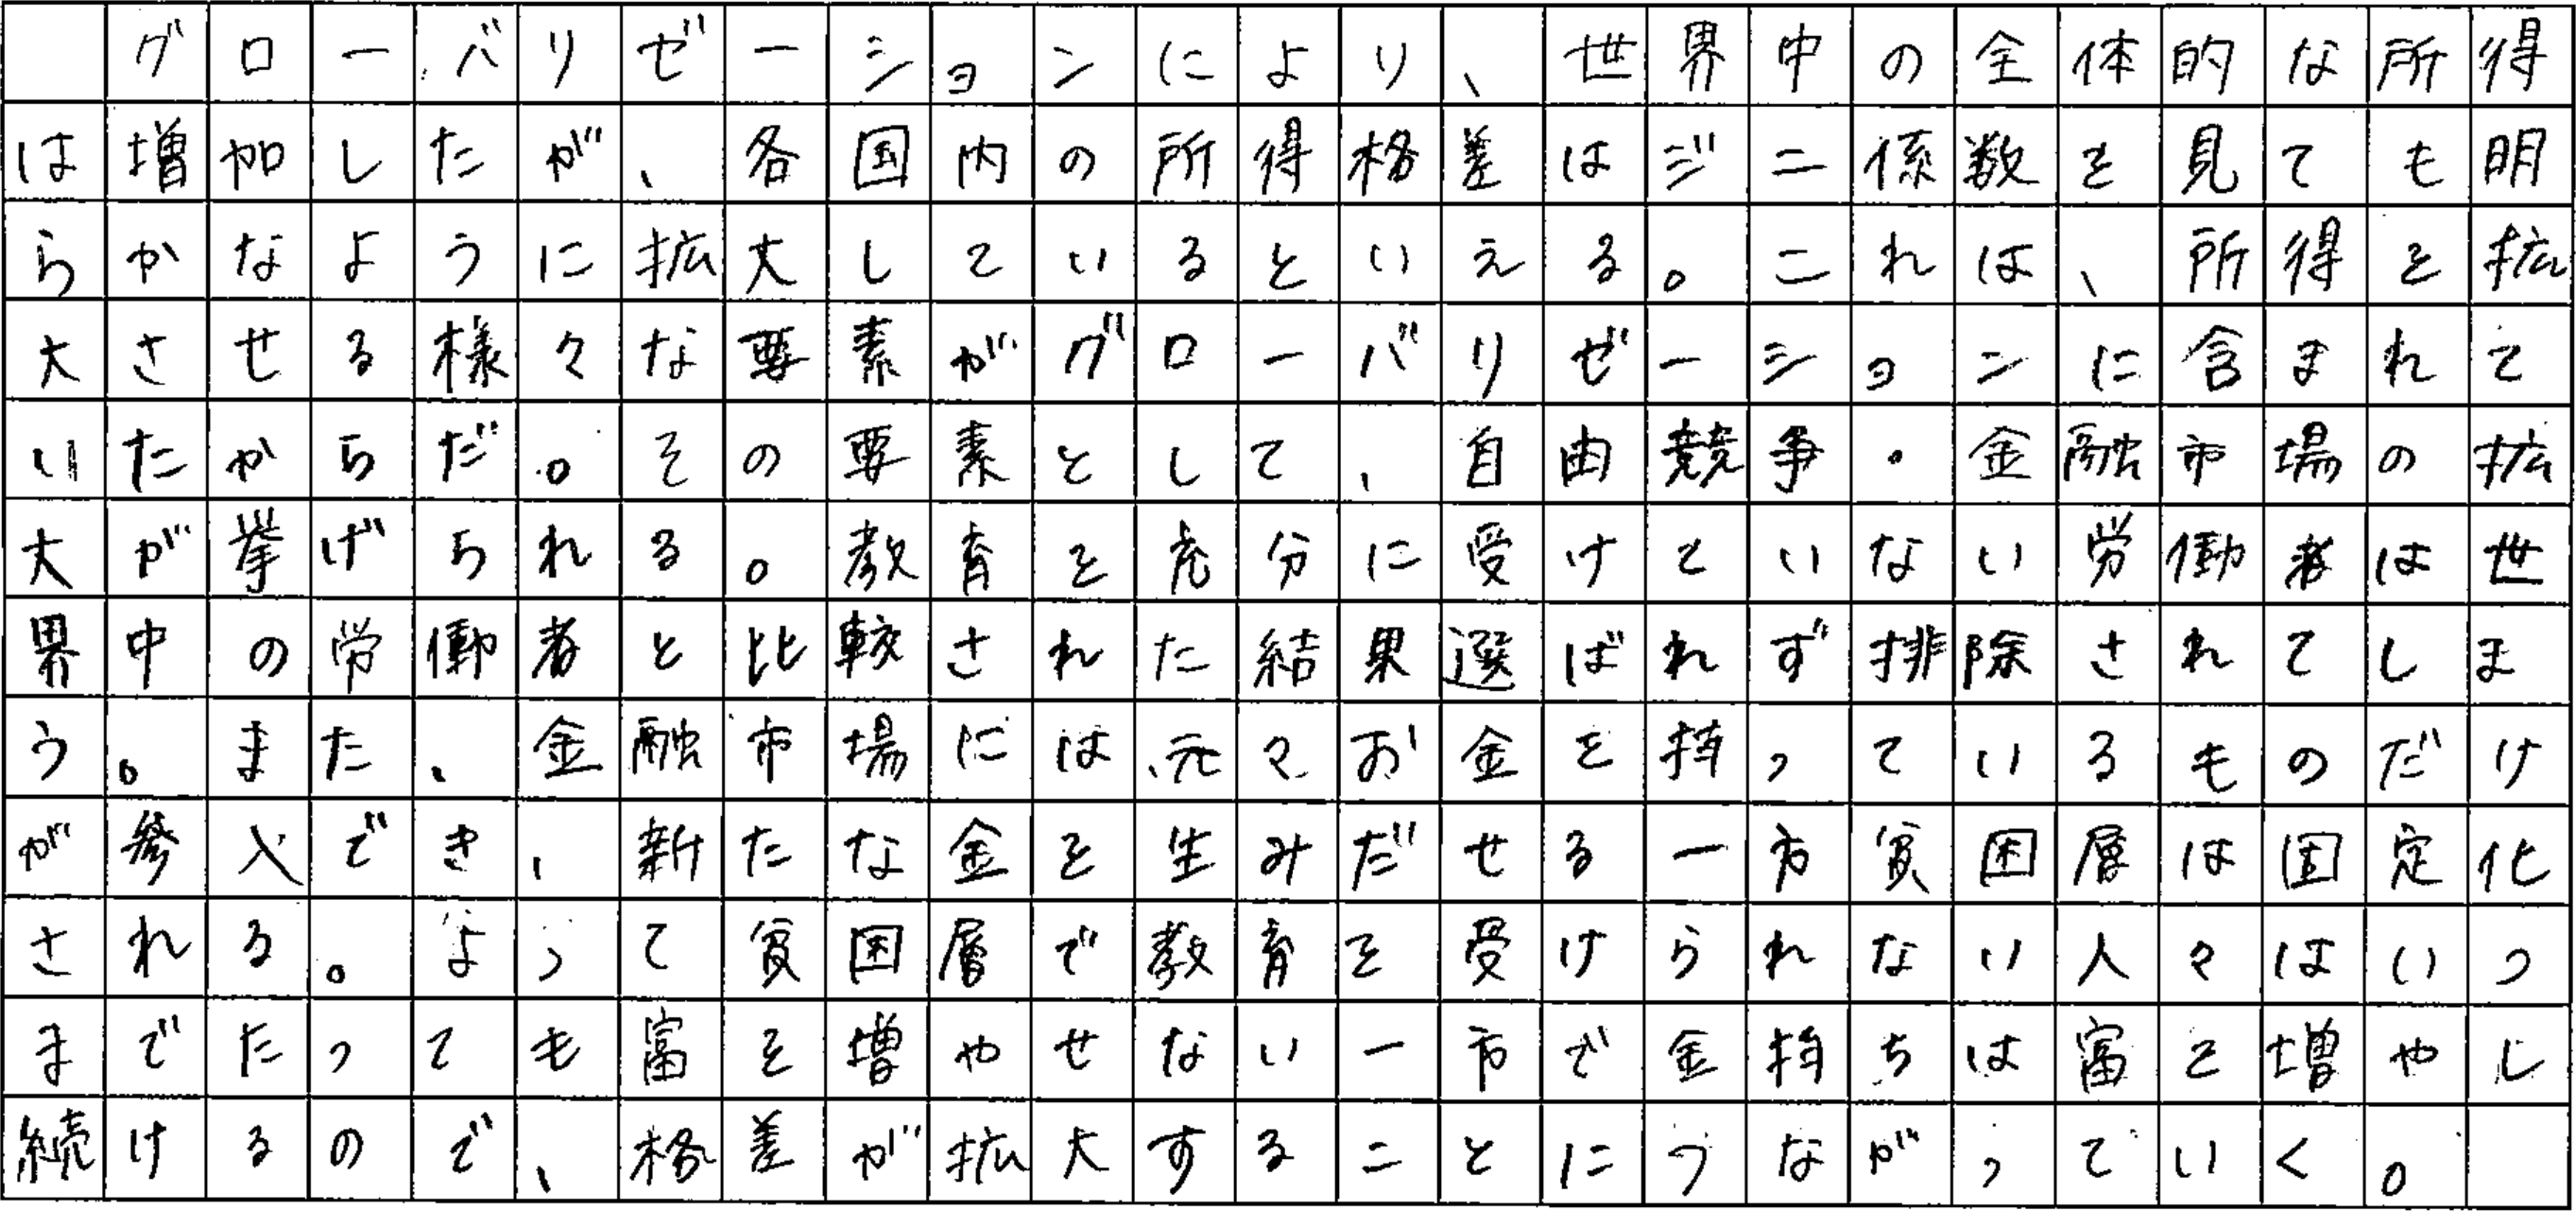　グローバリゼーションにより、世界中の全体的な所得は増加したが、各国内の所得格差はジニ係数を見ても明らかなように拡大しているといえる。これは、所得を拡大させる様々な要素がグローバリゼーションに含まれていたからだ。その要素として、自由競争・金融市場の拡大が挙げられる。教育を充分に受けていない労働者は世界中の労働者と比較された結果選ばれず排除されてしまう。また、金融市場には元々お金を持っているものだけが参入でき、新たな金を生みだせる一方貧困層は固定化される。よって貧困層で教育を受けられない人々はいつまでたっても富を増やせない一方で金持ちは富を増やし続けるので、格差が拡大することにつながっていく。
